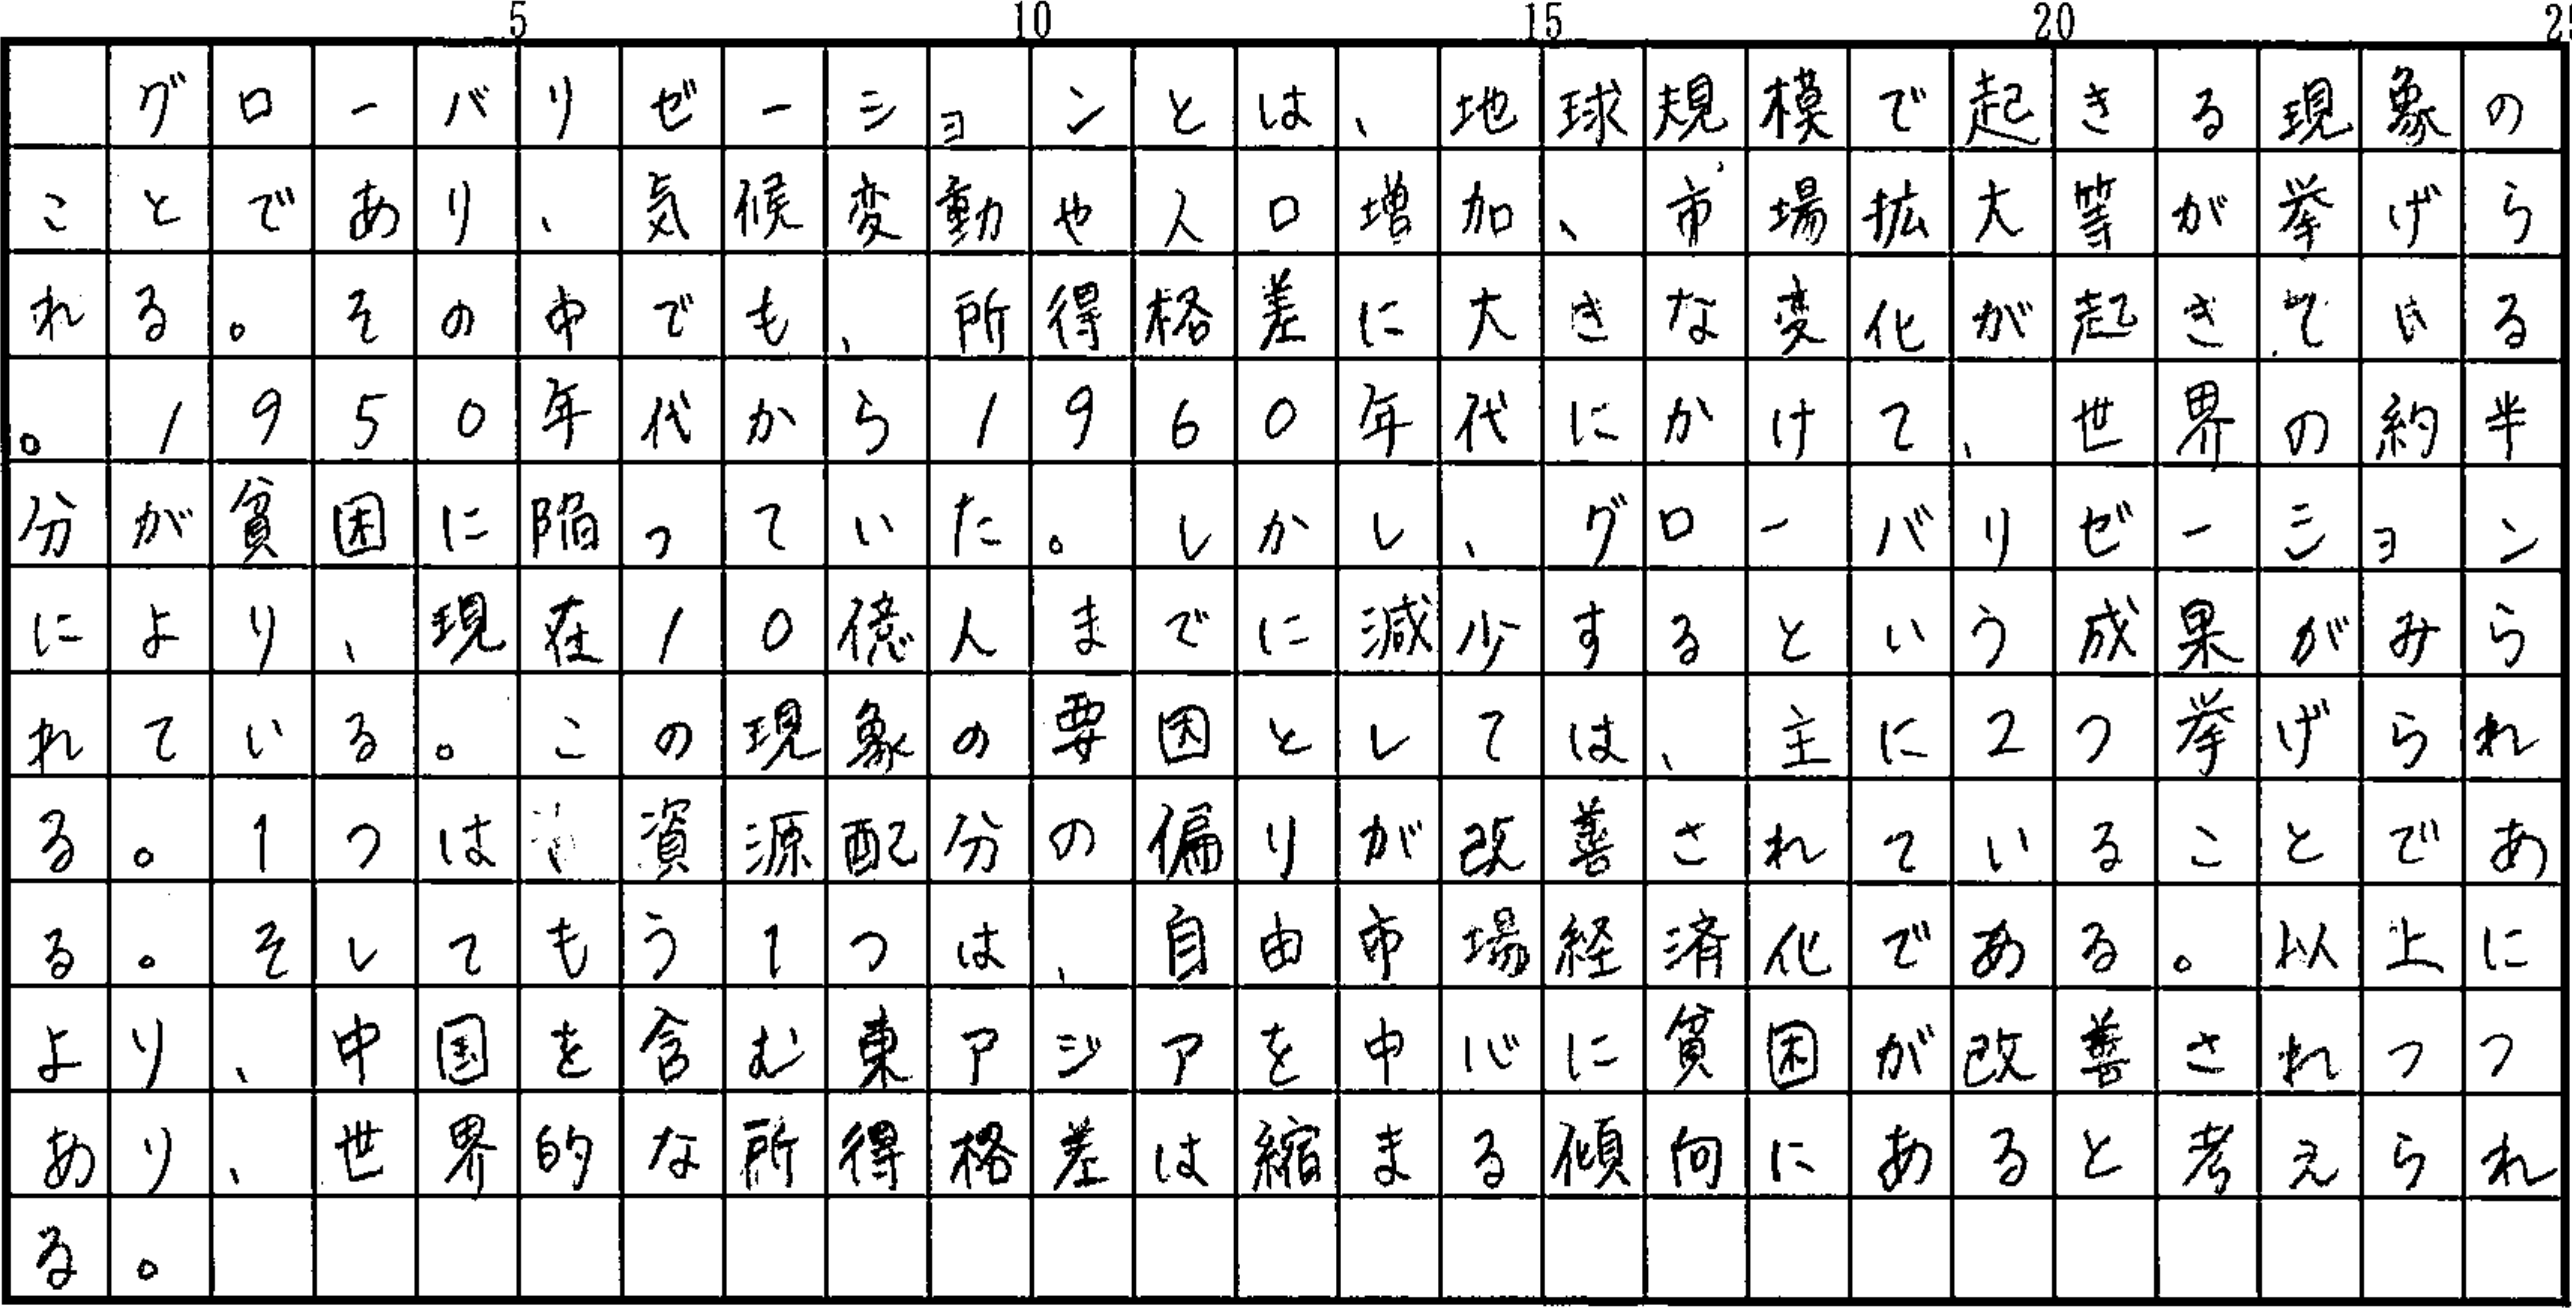　グローバロゼーションとは、地球規模で起きる現象のことであり、気候変動や人口増加、市場拡大等が挙げられる。その中でも、所得格差に大きな変化が起きている。１９５０年代から１９６０年代にかけて、世界の約半分が貧困に陥っていた。しかし、グローバリゼーションにより、現在１０億人までに減少するという成果がみられている。この現象の要因としては、主に２つ挙げられる。１つは、資源配分の偏りが改善されていることである。そしてもう１つは、自由市場経済化である。以上により、中国を含む東アジアを中心に貧困が改善されつつあり、世界的な所得格差は縮まる傾向にあると考えられる。
